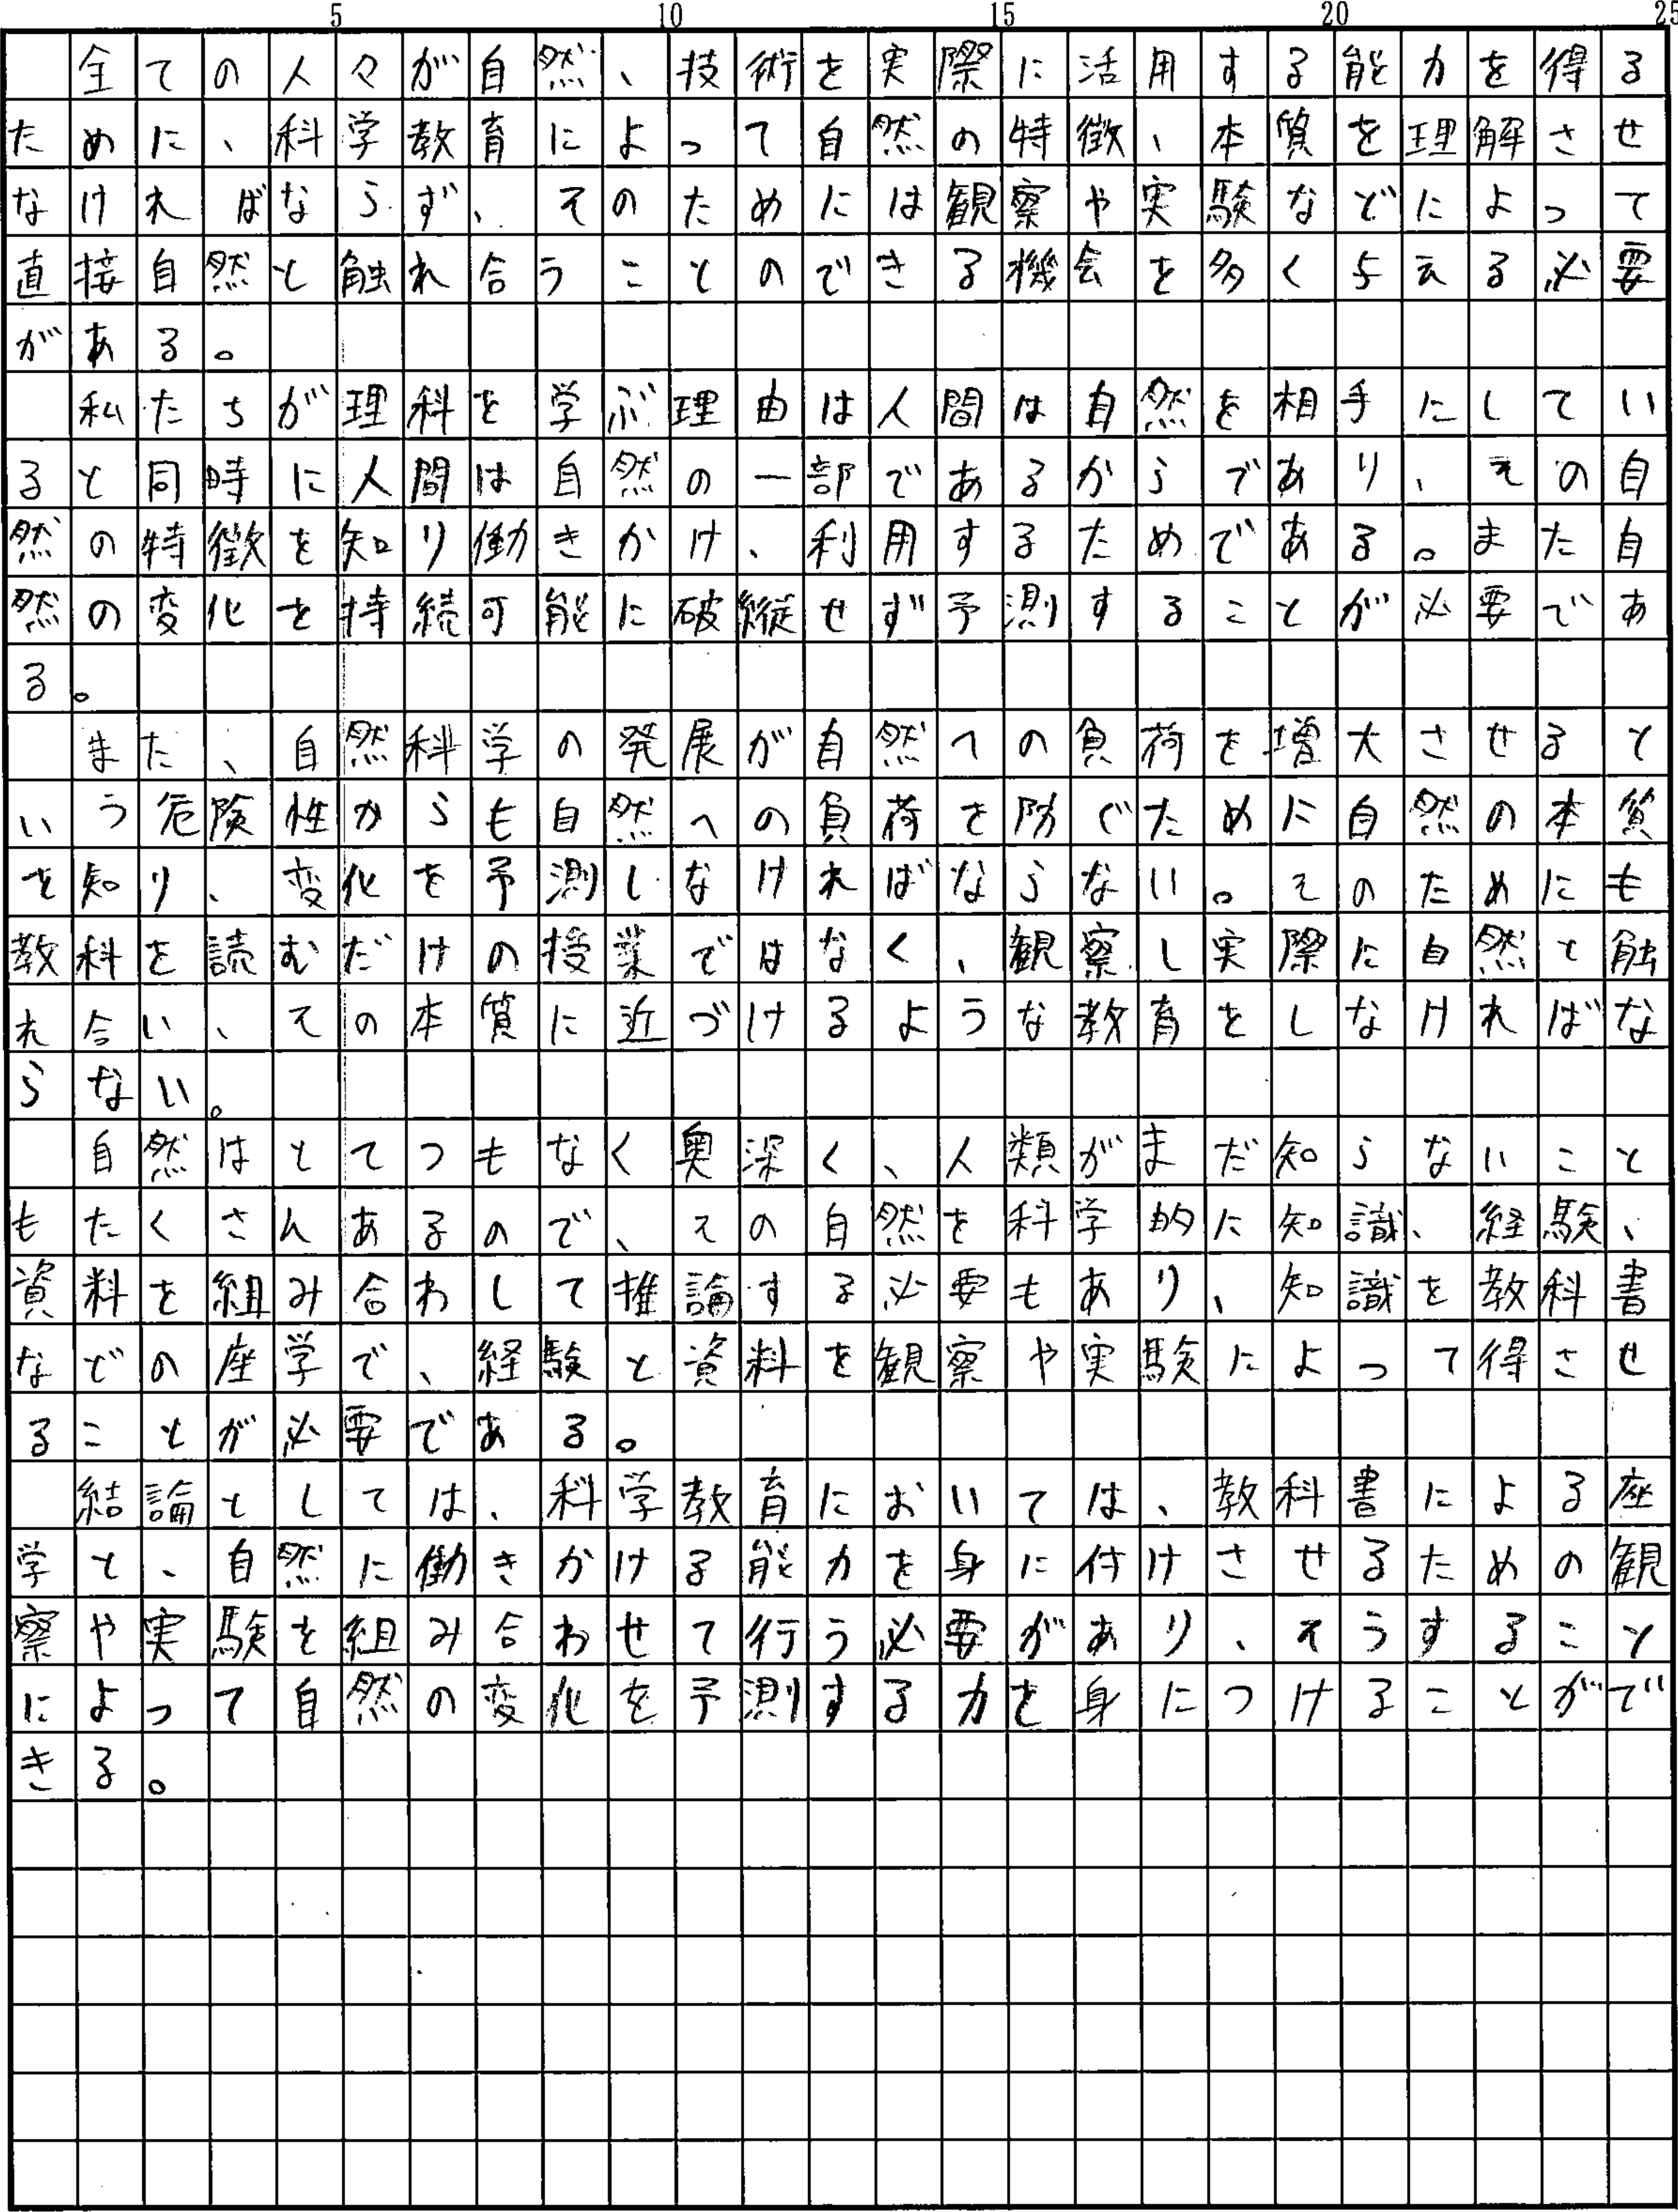　全ての人々が自然、技術を実際に活用する能力を得るために、科学教育によって自然の特徴、本質を理解させなければならず、そのためには観察や実験などによって直接自然と触れ合うことのできる機会を多く与える必要がある。
　私たちが理科を学ぶ理由は人間は自然を相手にしていると同時に人間は自然の一部であるからであり、その自然の特徴を知り働きかけ、利用するためである。また自然の変化を持続可能に破縦せず予測することが必要である。
　また、自然科学の発展が自然への負荷を増大させるという危険性からも自然への負荷を防ぐために自然の本質を知り、変化を予測しなければならない。そのためにも教科を読むだけの授業ではなく、観察し実際に自然と触れ合い、その本質に近づけるような教育をしなければならない。
　自然はとてつもなく奥深く、人類がまだ知らないこともたくさんあるので、その自然を科学的に知識、経験、資料を組み合わして推論する必要もあり、知識を教科書などの座学で、経験と資料を観察や実験によって得させることが必要である。
　結論としては、科学教育においては、教科書による座学と、自然に働きかける能力を身に付けさせるための観察や実験を組み合わせて行う必要があり、そうすることによって自然の変化を予測する力を身につけることができる。
